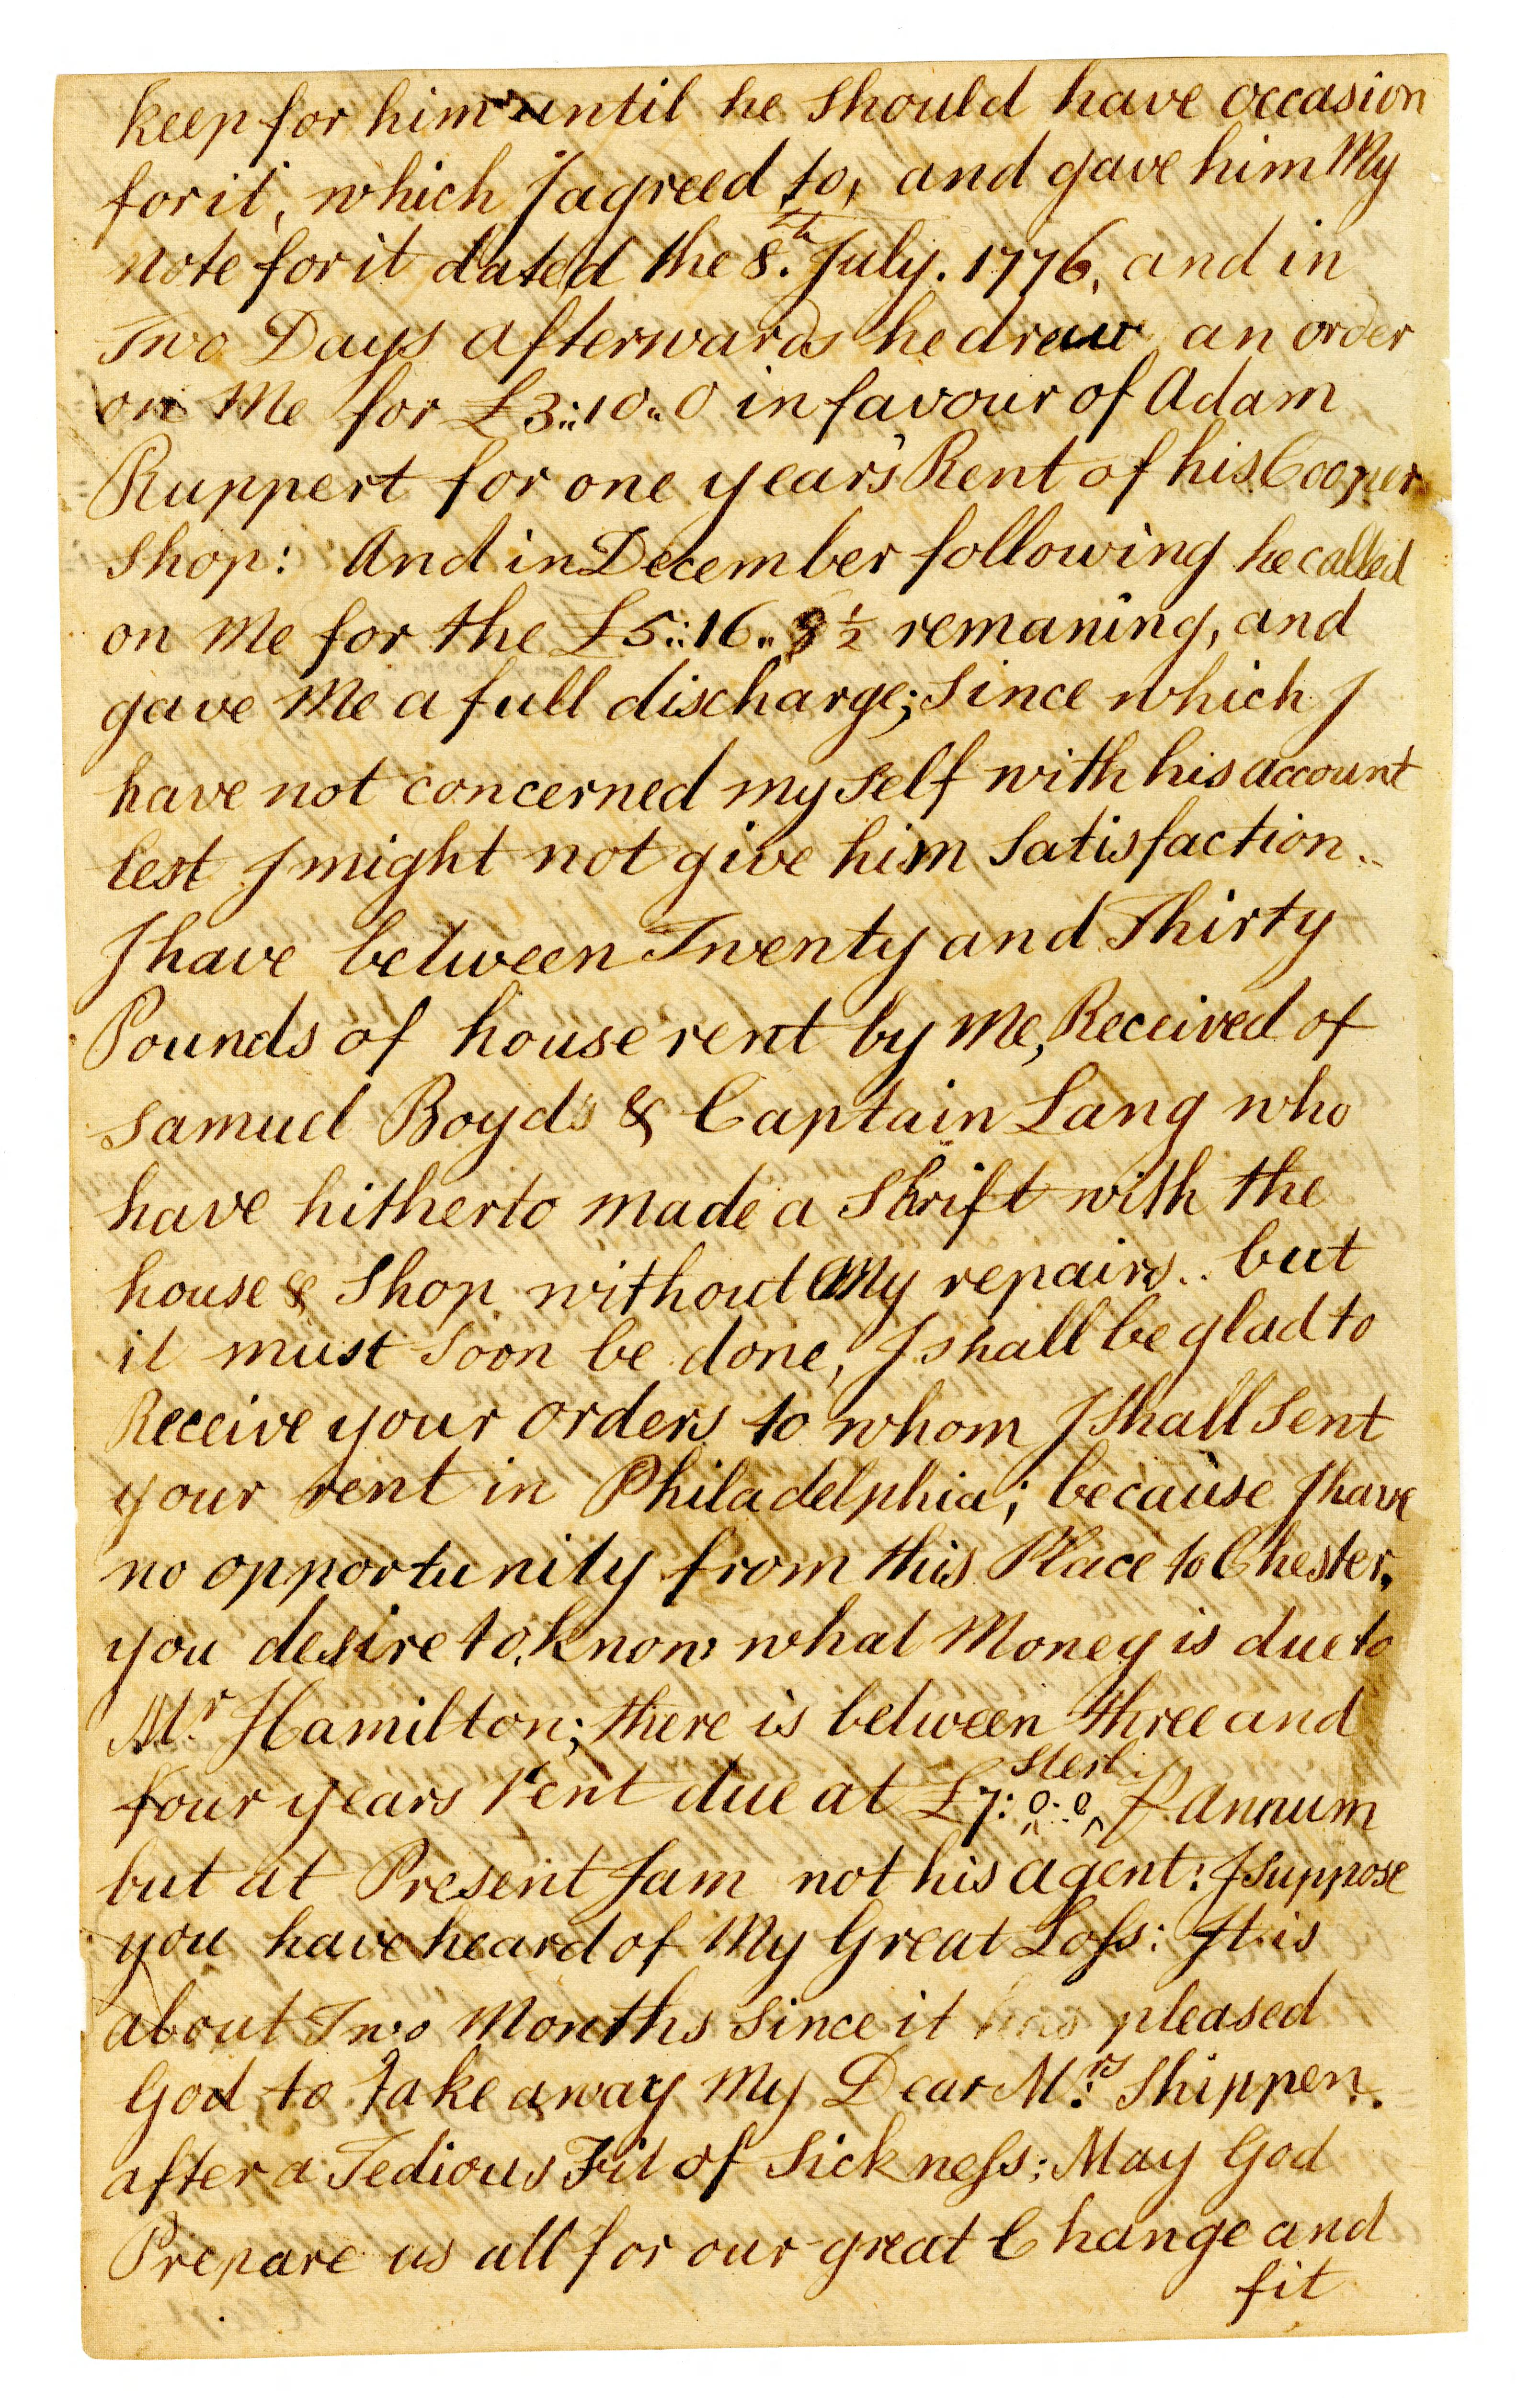keep for him until he should have occasion
for it; which I agreed to, and gave him My
note for it dated the 8^th. July. 1776, and in
Two Days afterwards he drew an order
on Me for £3:.10..0 in favour of Adam
Ruppert for one years' Rent of his Cooper
shop: And in December following he called
on Me for the £5:.16..8 1/2 remaining, and
gave Me a full discharge; Since which I
have not concerned my self with his account
lest I might not give him Satisfaction.
I have between Twenty and Thirty
Pounds of house rent by Me, Received of
Samuel Boyd's & Captain Lang who
have hitherto Made a Shrift with the
house & Shop without My repairs.. but
it must soon be done, I shall be glad to
Receive your orders to whom I shall sent
your rent in Philadelphia; because I have
no opportunity from this Place to Chester.
You desire to, know what Money is due to
M^r. Hamilton; there is between three and
Sterl
four years rent due at £7:0:0 Per Annum
but at Present I am not his agent: I suppose
you have heard of My Great Loss: It is
About Two Months Since it [has] pleased
God to take away My Dear M^rs. Shippen
after a Tedious Fit of sickness; May God
Prepare us all for our great Change and
fit